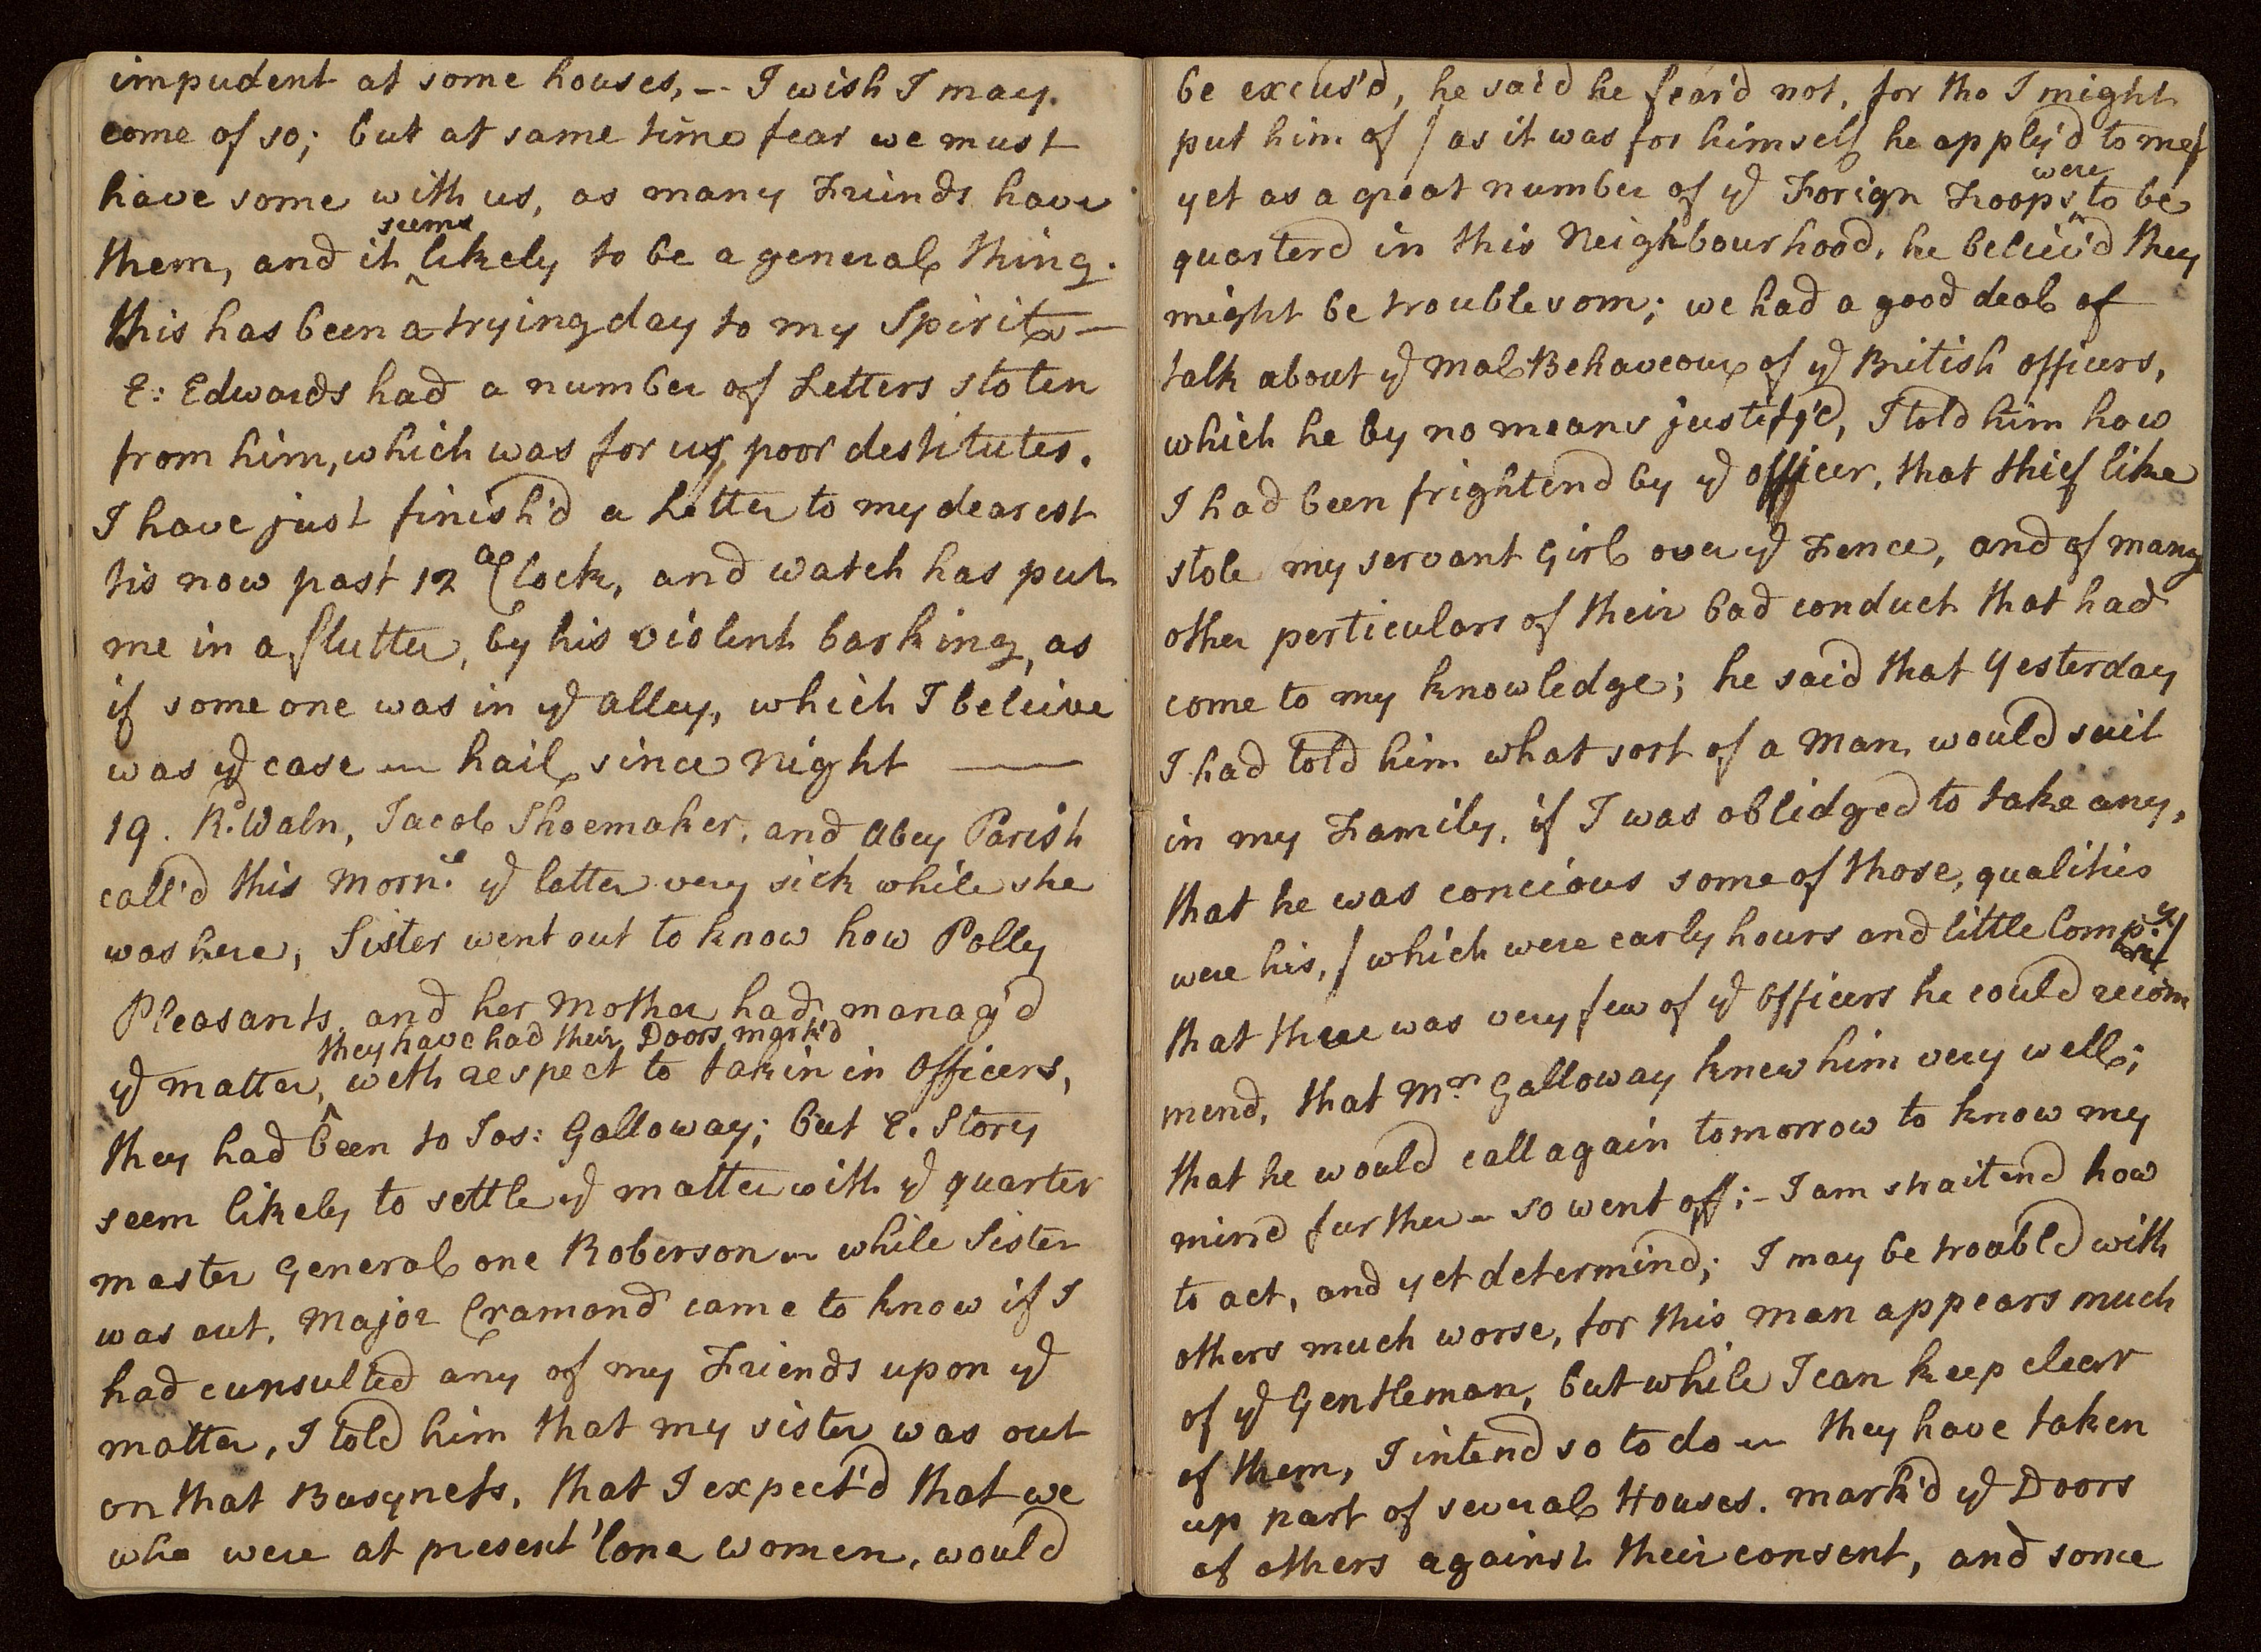impudent at some houses,- I wish I may.
come of so; but at same time fear we must
have some with us, as many Freinds have
seems
them, and it ^ likely to be a general thing.
this has been a trying day to my Spirit-
E: Edwards had a number of Letters stolen
from him, which was for us poor destitutes.
I have just finish'd a Letter to my dearest
tis now past 12 ^oClock, and watch has put
me in a flutter, by his violent barking, as
if some one was in y^e alley, which I beleive
was y^e case - hail since night-
19. R^d. Waln, Jacob Shoemaker, and Abey Parish
call'd this morn^g. y^e latter very sick while she
was here, Sister went out to know how Polly
Pleasants, and her mother had manag'd
they have had their Doors mark'd
y^e matter, ^ with respect to takin in Officers,
they had been to Jos: Galloway; but E. Story
seem likeley to settle y^e matter with y^e quarter
Master General one Roberson on while Sister
was out, Major Cramond came to know if I
had cunsulted any of my Friends upon y^e
matter, I told him that my sister was out
on that Busyness, that I expect'd that we
who were at present 'lone women, would
be excus'd, he said he fear'd not, for tho I might
put him of /as it was for himself he apply'd to me/
were
yet as a great number of y^e Forign Troops ^ to be
quarterd in this Neighbourhood, he believ'd they
might be troublesom; we had a good deal of
talk about y^e mal Behaveour of y^e British officers,
which he by no means justefy'd, I told him how
I had been frightend by y^e officer, that thief like
stole my servant Girl over y^e Fence, and of many
other perticulars of their bad conduct that had
come to my knowledge; he said that Yesterday
I had told him what sort of a man, would sail
in my Family, if I was oblidged to take any,
that he was concious some of those, qualities
were his, /which were early hours and little Comp^y./
that there was very few of y^e Officers he could recom
mend, that M^r. Galloway knew him very well;
that he would call again tomorrow to know my
mind further- so went off;- I am straitend how
to act, and yet determind; I may be troabld with
others much worse, for this man appears much
of y^e Gentleman, butt while I can keep clear
if them, I intend so to do- they have taken
up part of several Houses. mark'd y^e Doors
of others against their consent, and some